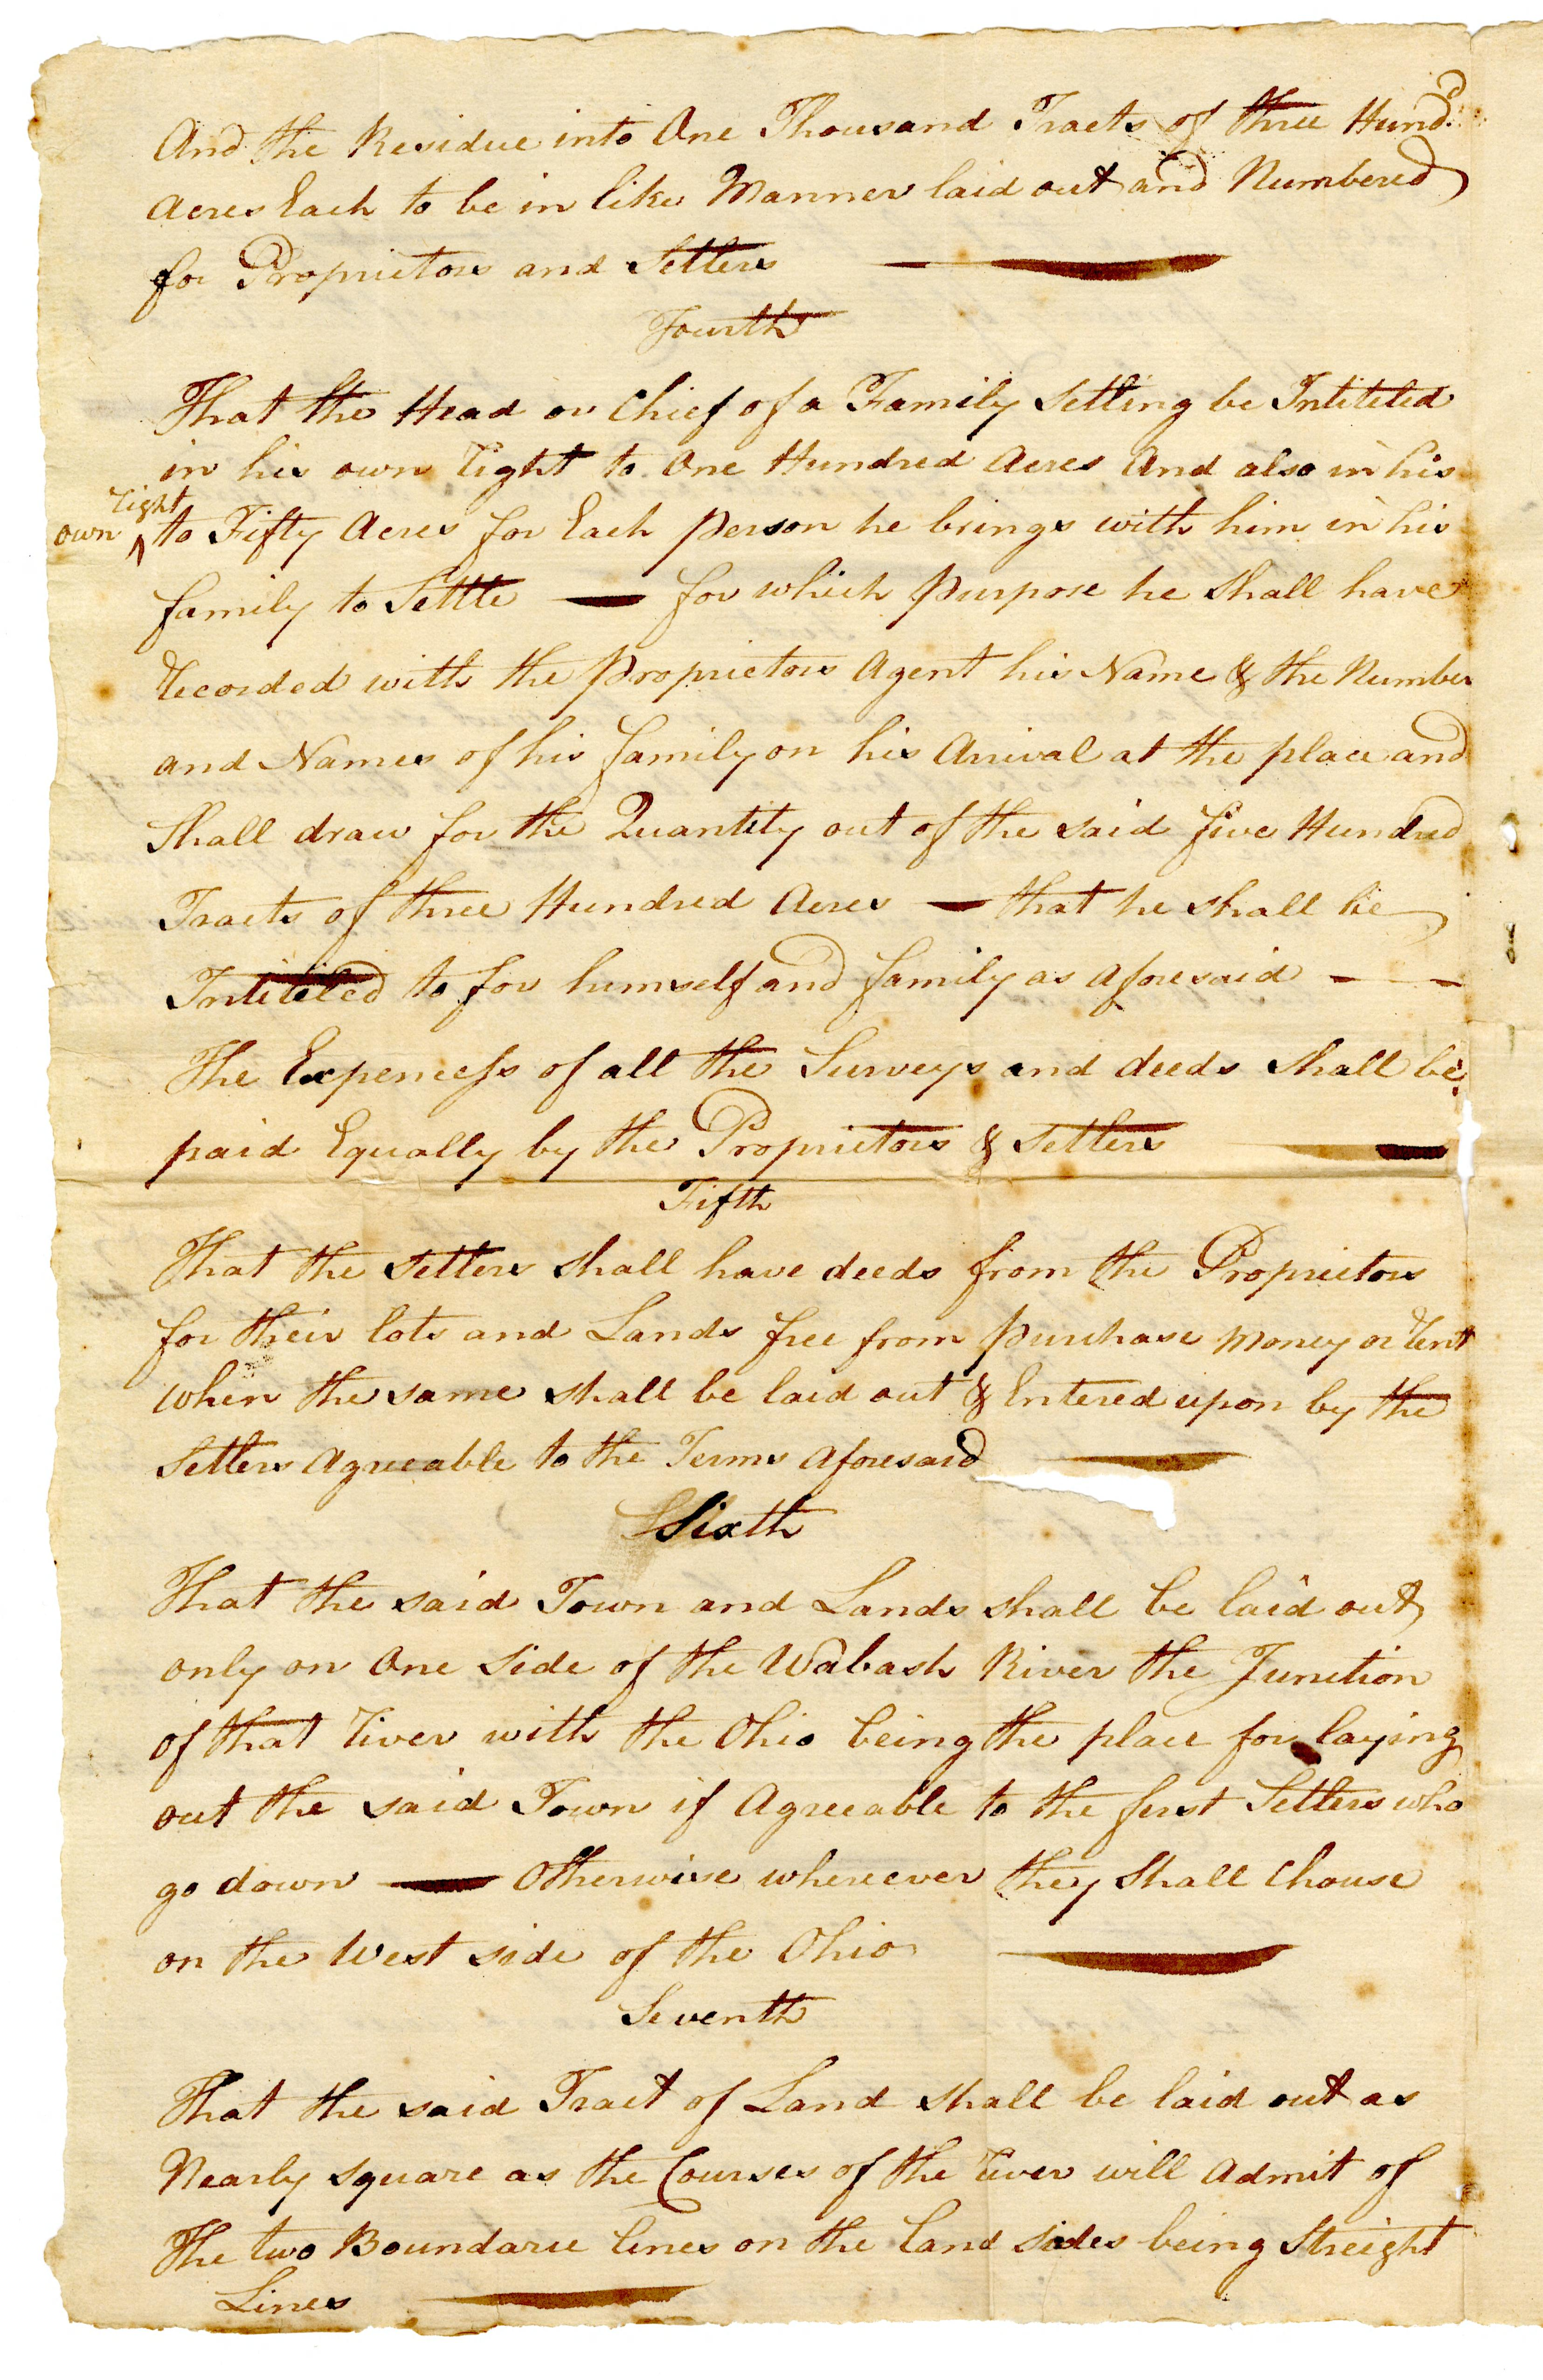And the Residue into One Thousand Tracts of three Hund^d.
acres Each to be in likes Manner laid out and Numbered
for Proprietors and Setters
Fourth
That the Head or Chief of a Family Setling be Intitited
in his own right to One Hundred Acres, And also in his
right
own ^ to Fifty Acres for Each person he brings with him in his
family to Settle- for which purpose he shall have
recorded with the Proprietors agent his Name & the number
and Names of his family on his Arrival at the place and
shall draw for the Quantity out of the said five Hundred
Tracts of three Hundred Acres- that he shall be
Intitiled to for himself and family as aforesaid-
The Expenses of all the Surveys and deeds shall be
paid Equally by the Proprietors & setlers
Fifth
That the setlers shall have deeds from the Proprietors
for their lots and Lands free from purchase money or rent
when the same shall be laid out & Entered upon by the
Setlers agreeable to the Terms aforesaid
Sixth
That the said Town and Lands shall be laid out,
only on one side of the Wabash River the Junction
of that river with the Ohio being the place for laying
out the said Town if agreeable to the first setlers who
go down- Otherwise whereever they Shall Chouse
on the West side of the Ohio
Seventh
That the said Tract of Land shall be laid out as
Nearly square as the Courses of the river will Admit of
The two Boundaree lines on the land sides being Streight
Lines